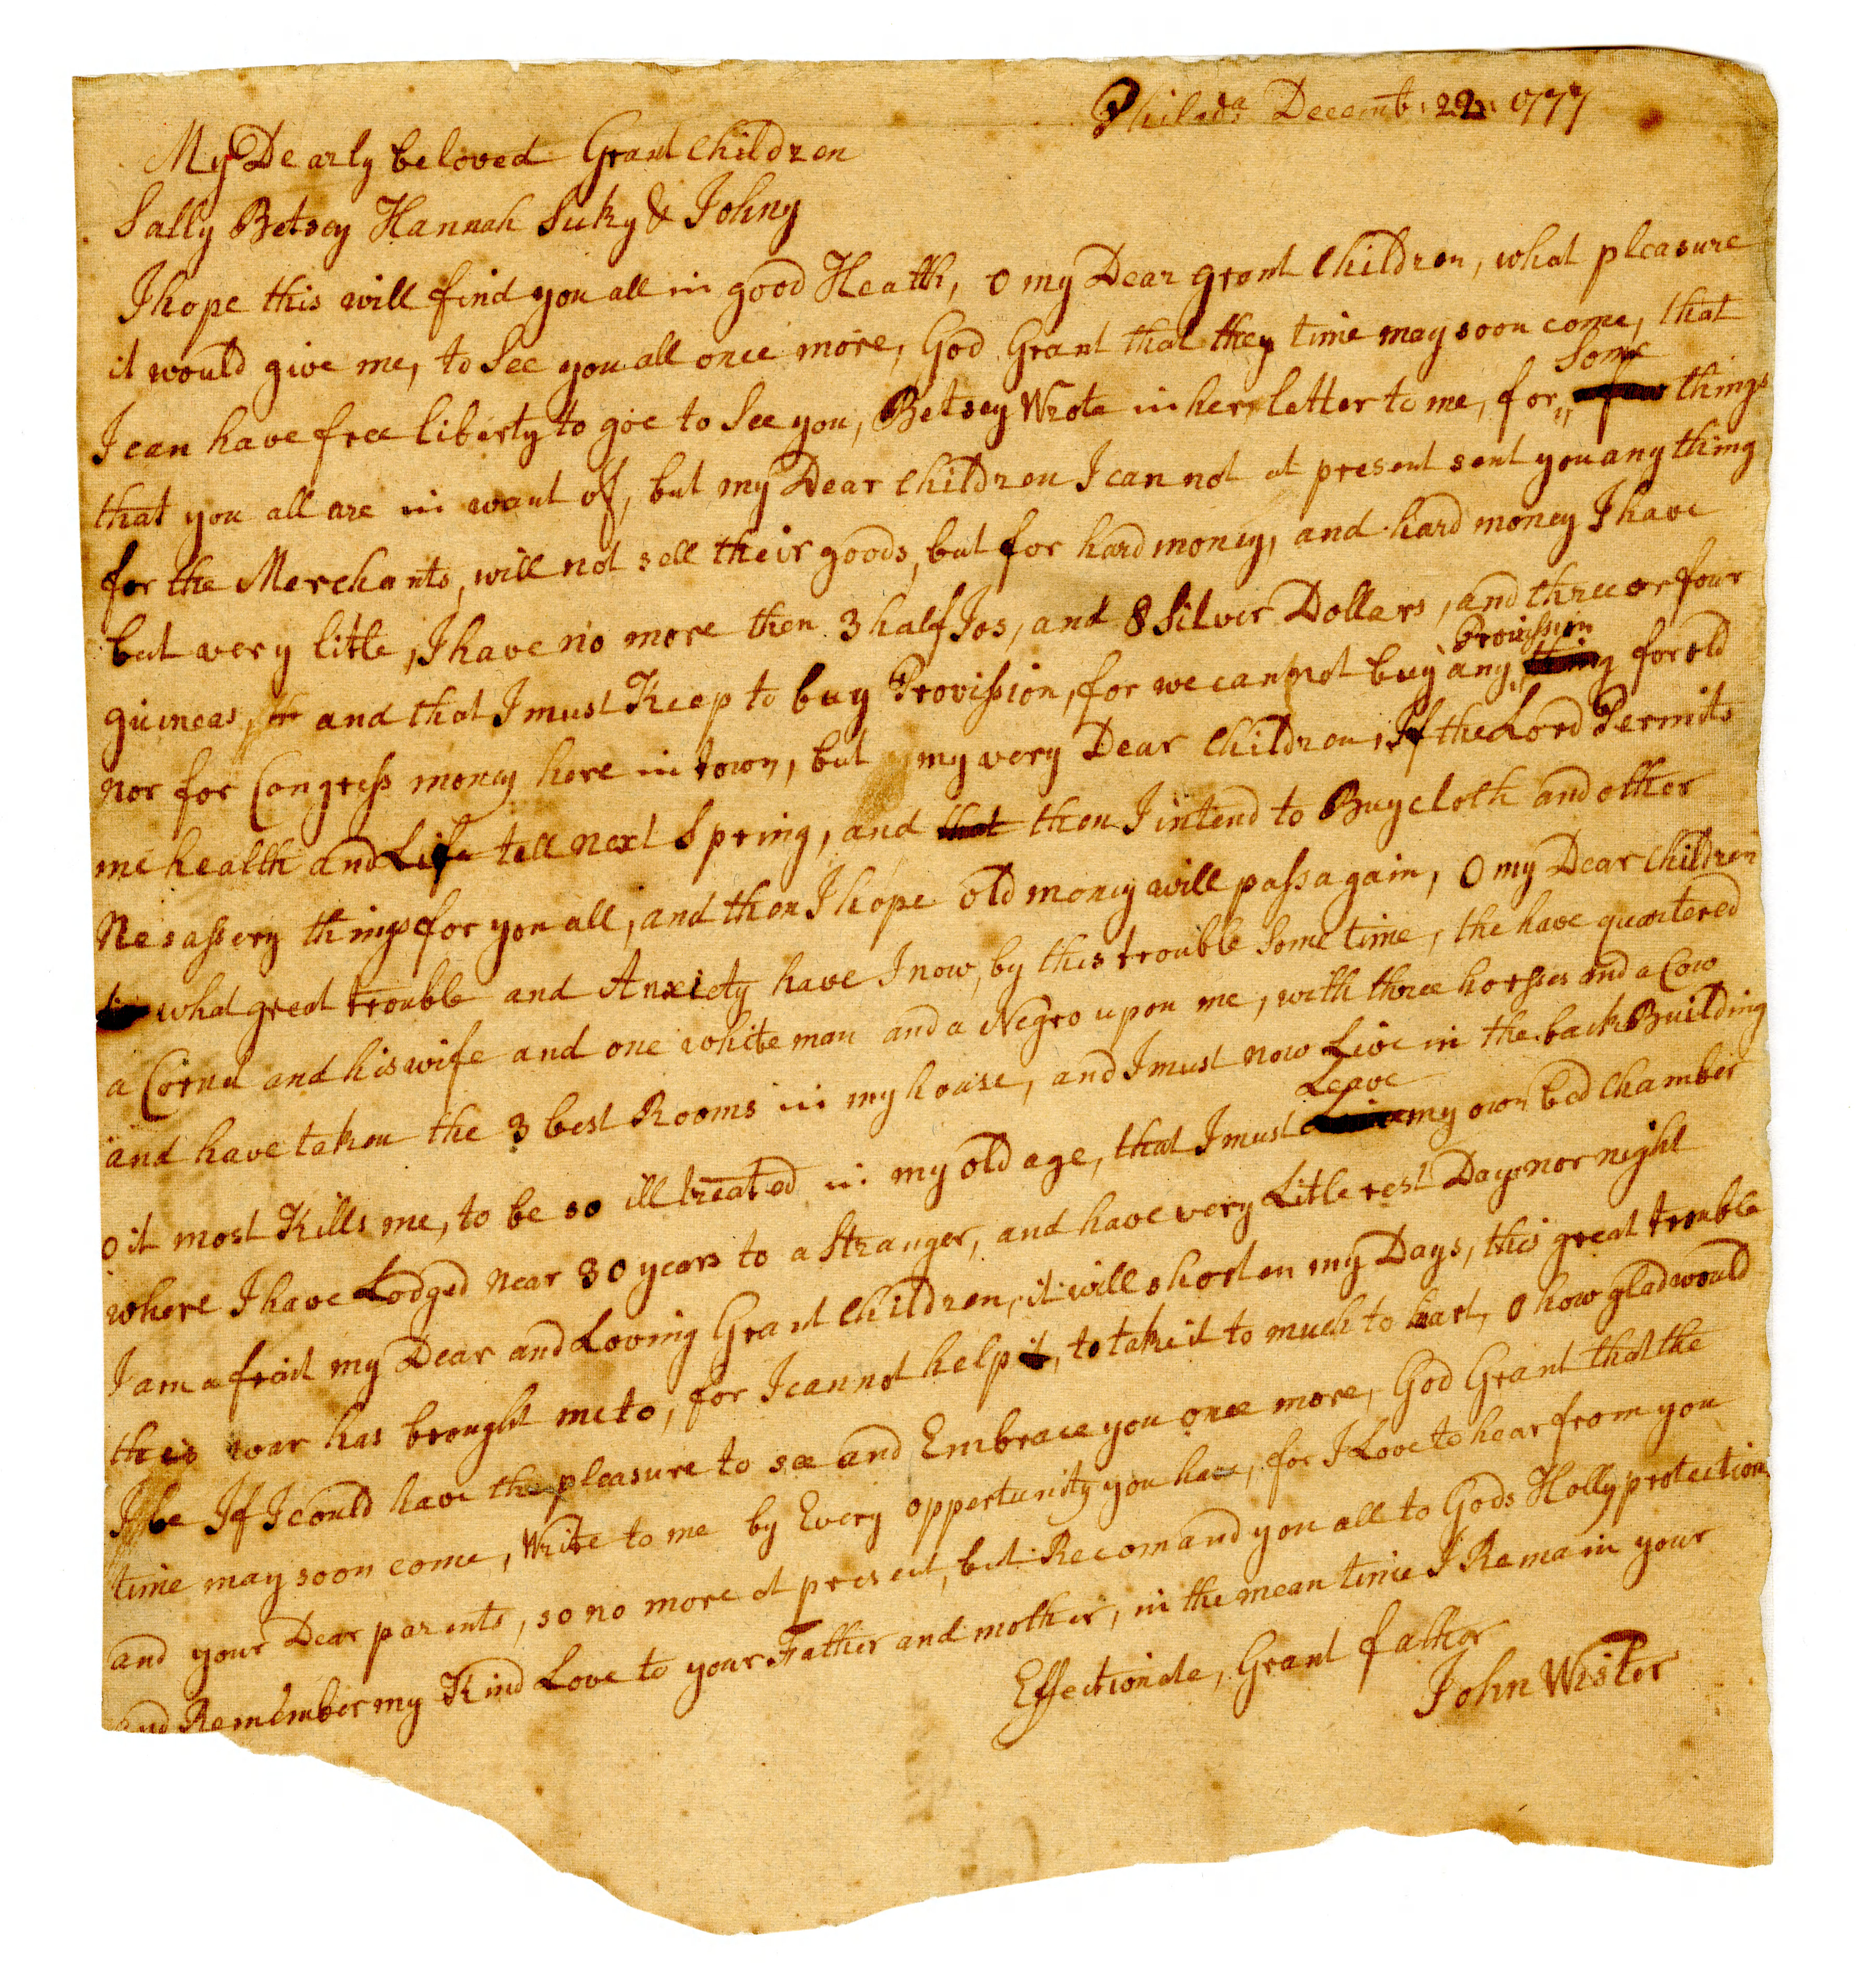Philad^a, Decemb: 22: 1777
My Dearly beloved Grantchildren
Sally Betsey Hannah Suky & Johny
I hope this will find you all in good Health, o my Dear grant children, what pleasure
it would give me, to See you all once more, God Grant that they time may soon come, that
some
I can have free liberty to goe to See you, Betsey wrote in her letter to me, for [______] things
that you all are in want of, but my Dear children I can not at present sent you any thing
for the Merchants will not sell their goods, but for hard money, and hard money I have
but very little, I have no more than 3 half Jos, and 8 Silver Dollars, and three or four
Provision
guineas, and that I must keep to by Provision, for we cannot buy any [thing] for old
nor for Congress money here in town, but my very Dear Children, If the Lord Permits
me health and Life till next Spring, and then I intend to Buy cloth and other
Nesassery things for you all, and then I hope old money will pass again, O my Dear children
what great trouble and Anxiety have I now by this trouble some time, the have quartered
a Cornal and his wife and one white man and a Negro upon me, with three horses and a Cow
and have taken the 3 best Rooms in my house, and I must now Live in the back Building
Leave
O it most Kills one, to be so illtreated in my old age, that I must [____] my own bed Chamber
where I have Lodged near 30 years to a Stranger, and have very Litle rest Day nor night
I am afrait my Dear and Loving Grant Children, it will shorten my Days, this great trouble
this war has brought me to, for I can not help, to take it to much to Early, O how glad would
I be If I could have the pleasure to see and Embrace you once more, God Grant that the
time may soon come, Write to me by Every opportunity you have, for I Love to hear from you
and your Dear parents, so no more at present, but Recomand you all to Gods Holly protection
and Remember my Kind Love to your Father and mother, in the mean time I Remain your
Effectionate, Grant father
John Wister